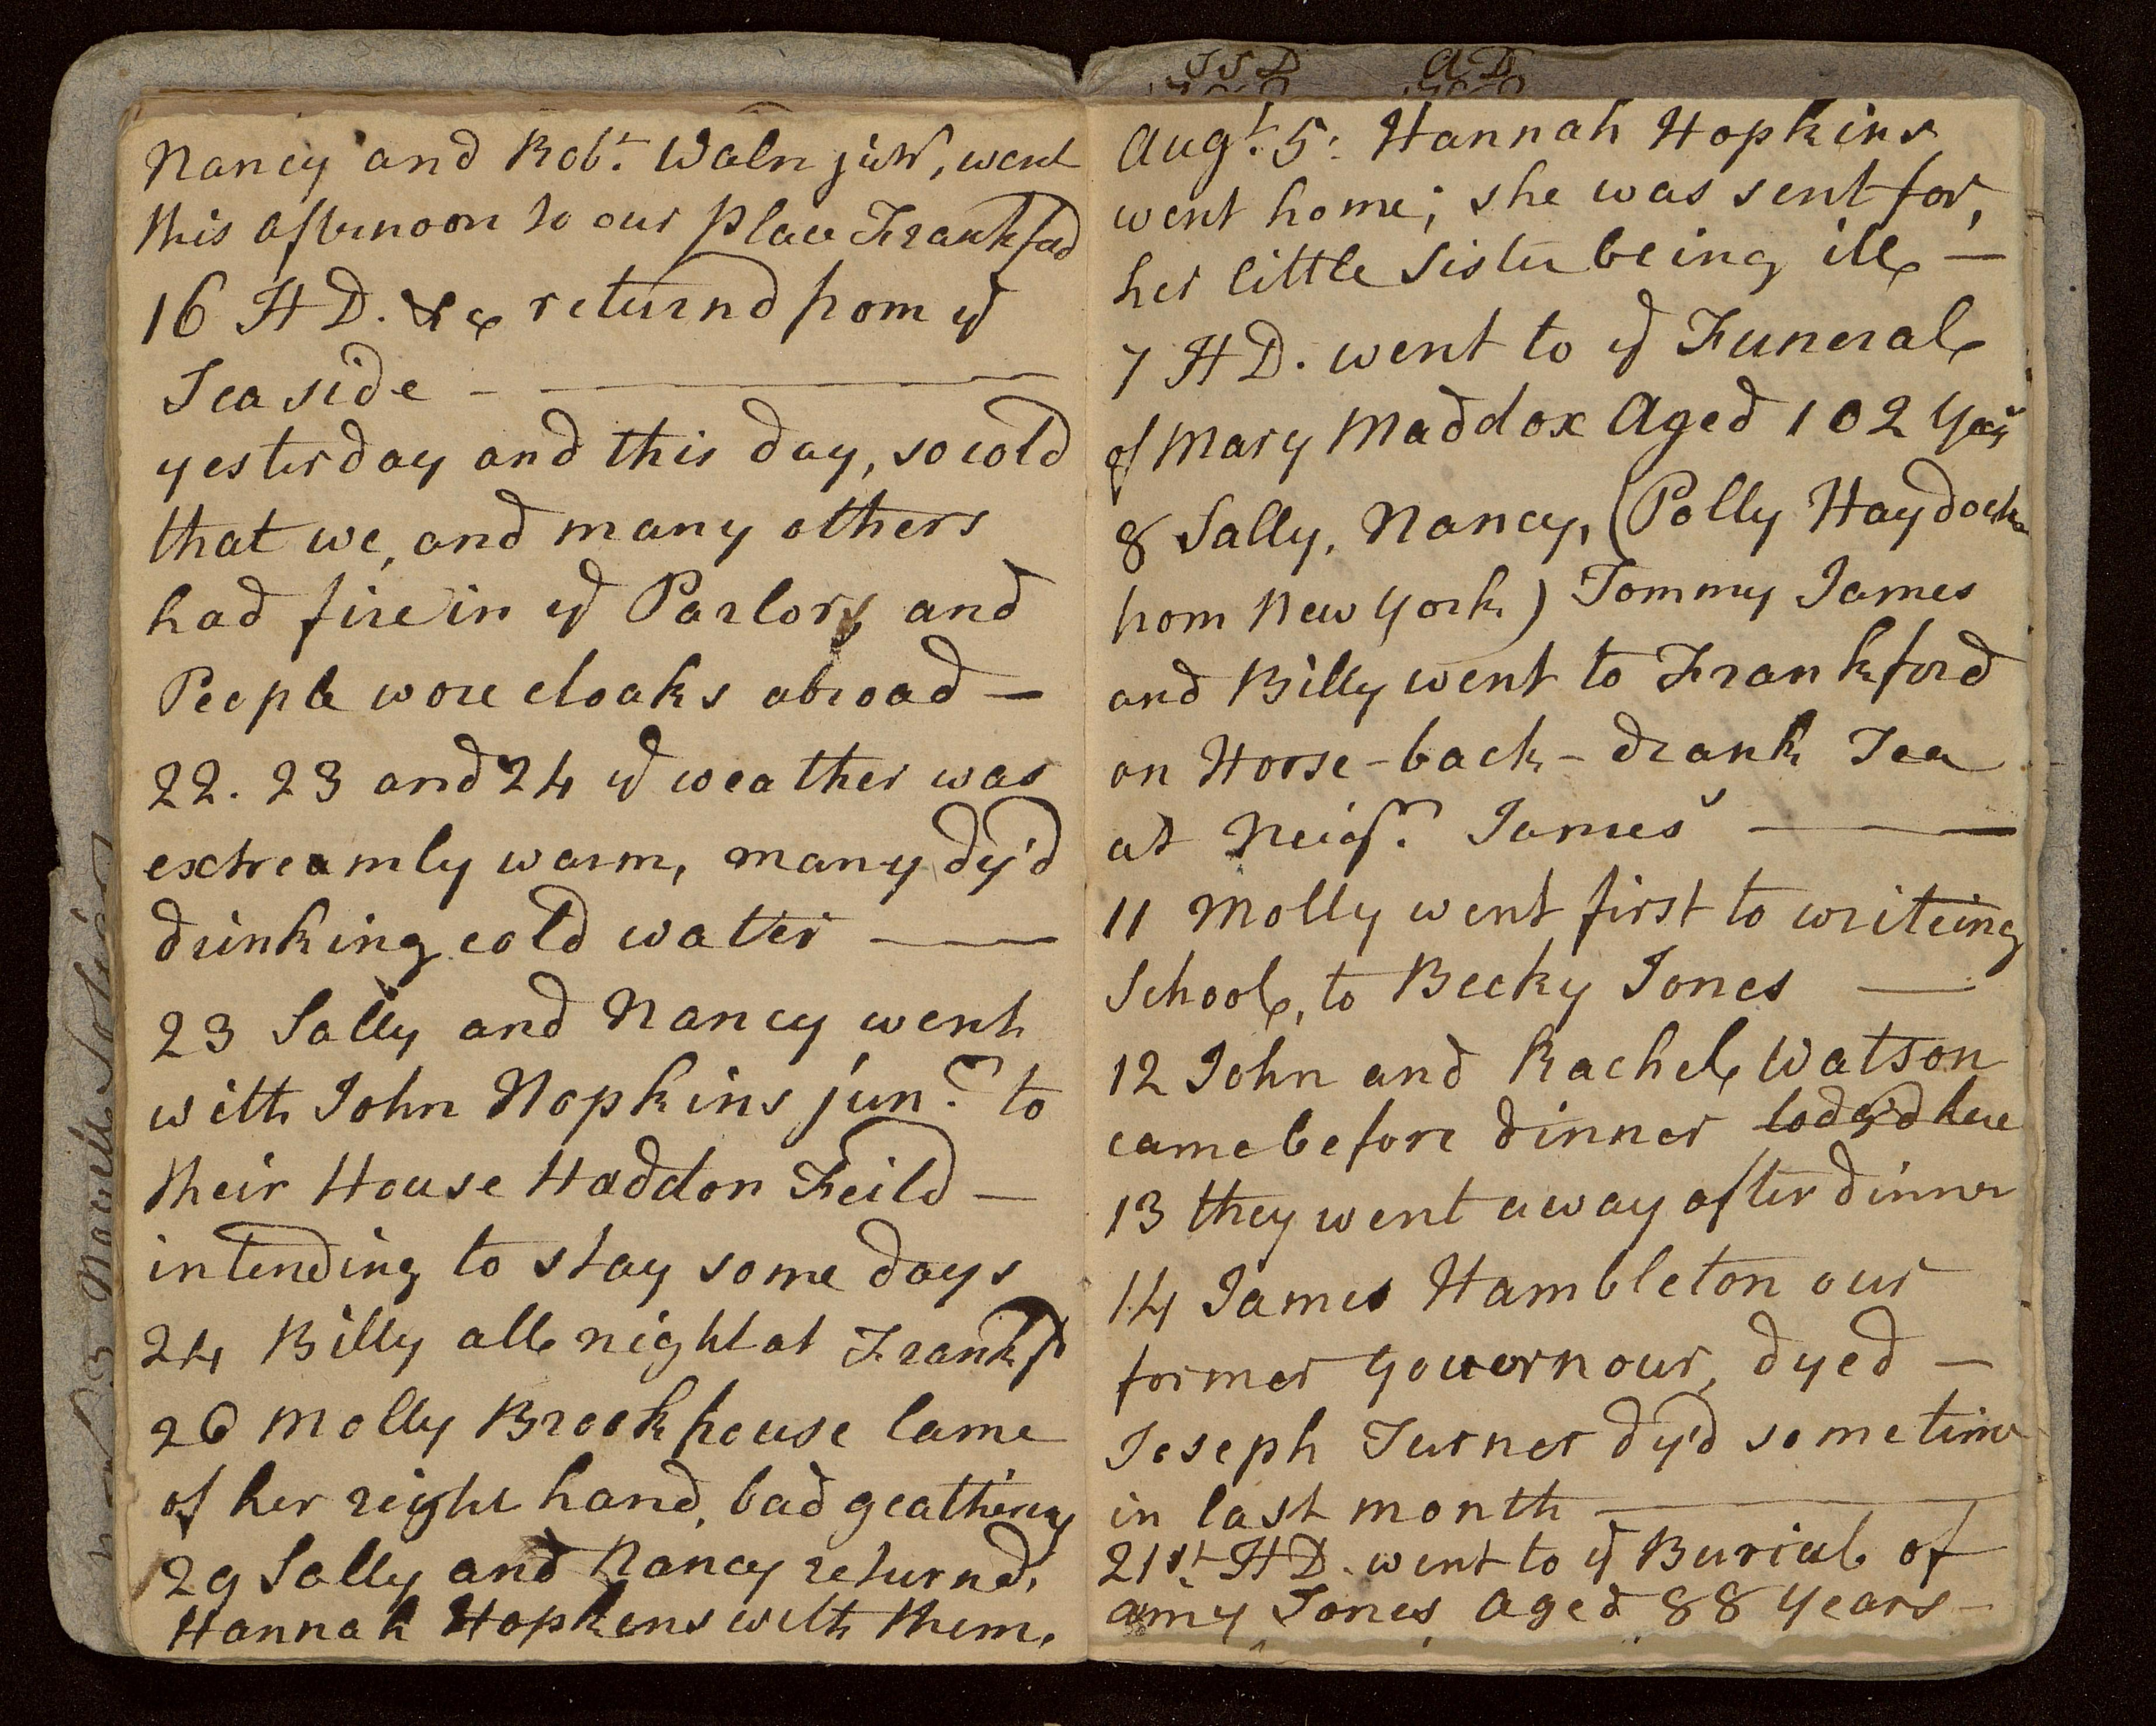Nancy and Rob^t. Waln jun^r, went
this afternoon to our place Frankfad
16 H D. &c returnd from y^e
Sea side-
yesterday and this day, so cold
that we and many others
had fire in y^e Parlors and
People wore cloaks abroad-
22. 23 and 24 y^e weather was
extreamly warm, many dy'd
drinking cold water-
23 Sally and Nancy went
with John Hopkins jun^r. to
their House Haddon Feild-
intending to stay some days
24 Billy all night at Frankf
20 Molly Brookhouse Came
of her right hand, bad geathing
29 Sally and Nancy returnd,
Hannah Hopkins with them,
Aug^t. 5. Hannah Hopkins
went home; she was sent for,
her little sister being ill-
7 HD. went to y^e Funeral
of Mary Maddox aged 102 Year^s
8 Sally, Nancy, (Polly Haydock
from New York) Tommy James
and Billy went to Frankford
on Horse- back- drank Tea
at Neig^r. James^s-
11 Molly went first to writeing
School, to Becky Jones
12 John and Rachel Watson
came before dinner lodg'd here
13 they went away after dinner
14 James Hambleton our
former Governour, dyed-
Joseph Turner dy'd some time
in last month-
21^st H D- went to y^e Burial of
Amy Jones, aged 88 years-